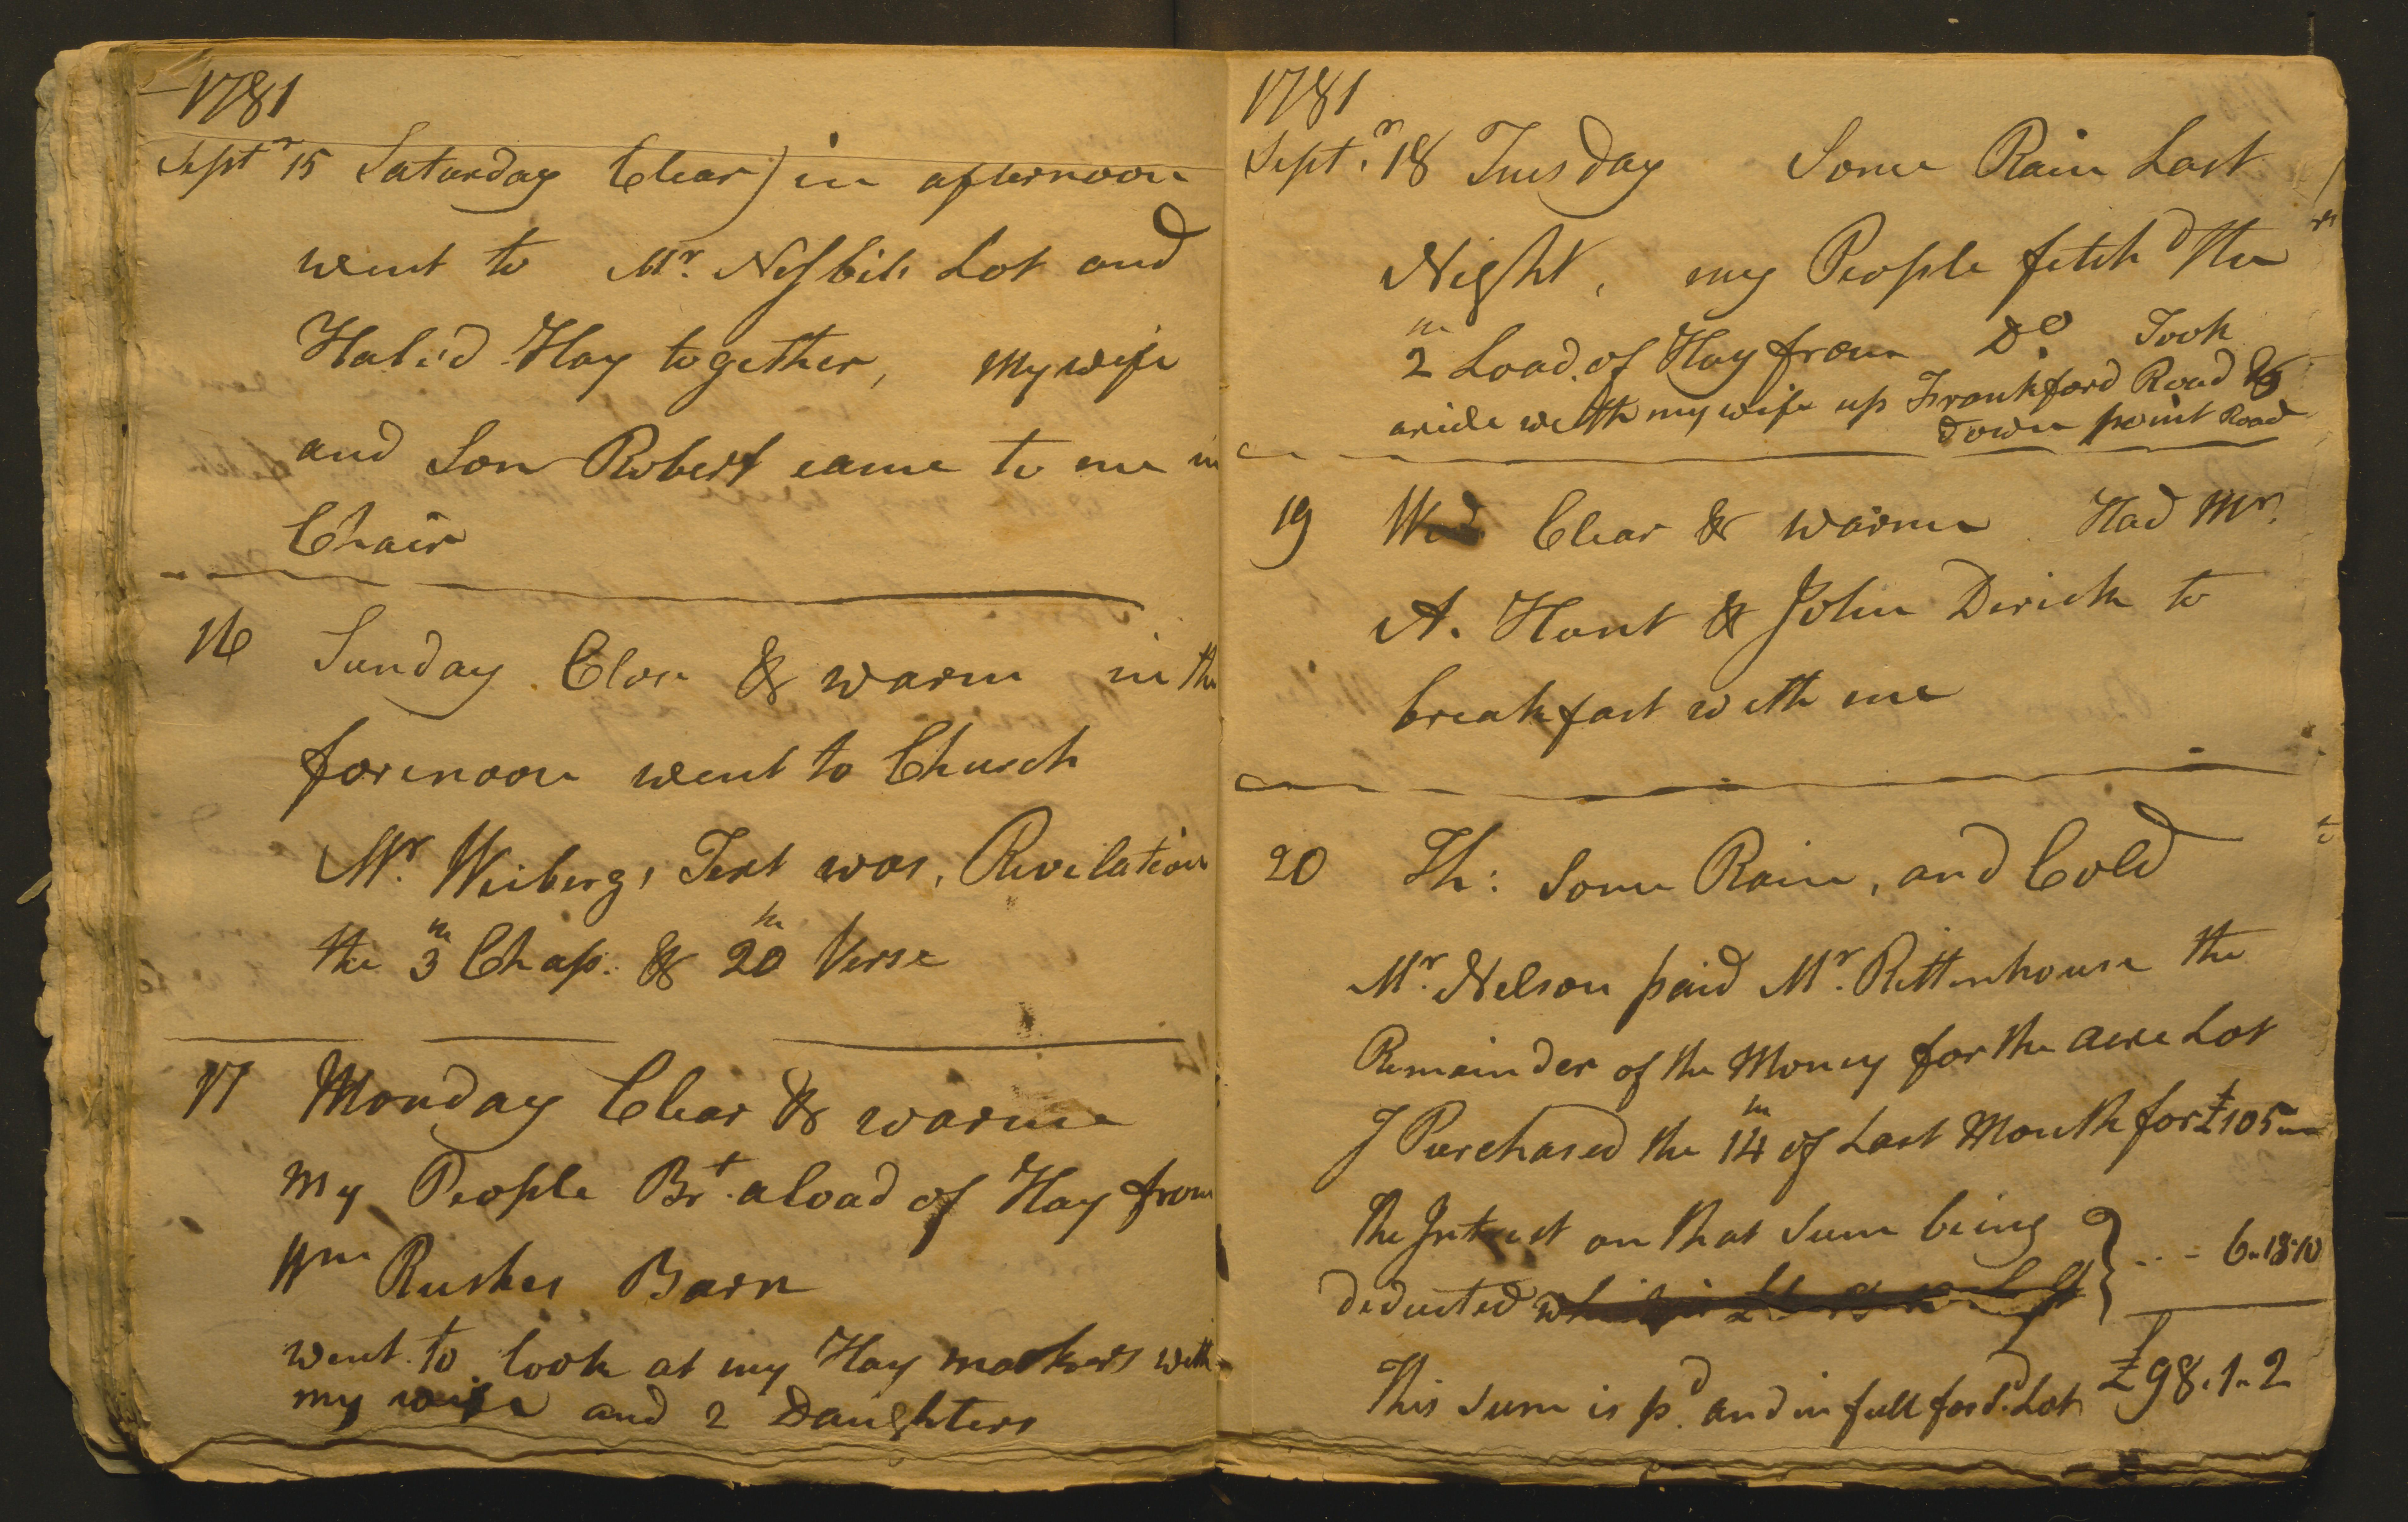1781
Sep^r 15 Saturday Clear / in afternoon
went to M^r. Nesbits Lot and
Hale'd Hay together, My wife
and son Robert came to me in
Chair
16 Sunday Close & warm in the
forenoon went to Church
M^r. Weibergs Text was, Revelation
the 3^th Chap. & 20^th Verse
17 Monday Clear & warme
My People Br^t. a load of Hay from
W^m Rushes Barn
went to look at my Hay markers with
my wife and 2 Daughters
1781
Sept^r. 18 Tuesday some Rain Last
Night, my People fetch^d the
2^th Load of Hay from D^o. Took
a ride with my wife up Frankford Road &
down point Road
19 Wed Clear & warme Had M^r.
A. Hunt & John Derick to
breakfast with me
20 Th: some Rain, and Cold
M^r. Nelson paid M^r. Rittenhouse the
Remainder of the Money for the acre Lot
I Purchased the 14^th of Last Month for £105.
The Intrest on that sum being
deducted [_____________]
6.18.10
This sum is p^d. and in full for s^d. Lot
£98.1.2